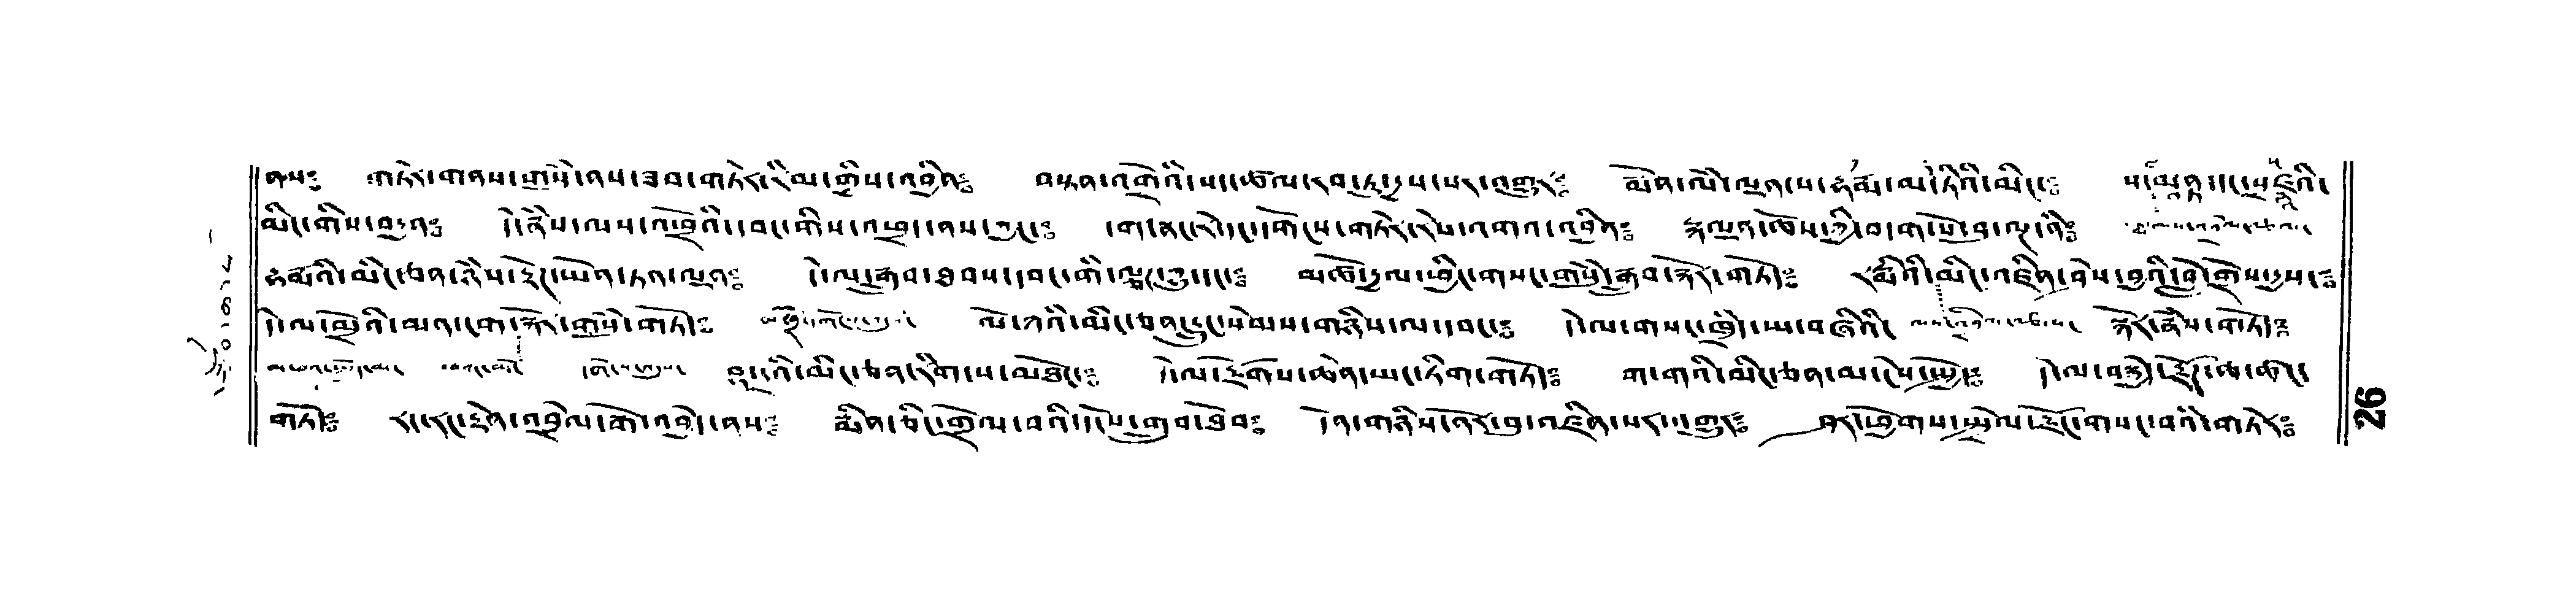ནས༔ གཏེར་གནས་གསུམ་ནས་ཟབ་གཏེར་རིམ་གྱིས་འབྱིན༔ བསྟན་འགྲོའི་པད་ཚལ་རབ་ཏུ་རྒྱས་པར་འགྱུར༔ སྨོན་ལམ་ལྡན་པ་དྷརྨ་མི་ཏིའི་མིང༔ ས་མཱནྟ་དང་པྲཛྙཱིའི་
མིང་གིས་བརྒྱན༔ དེ་རྣམས་ལས་འཕྲོའི་དབང་གིས་འཕྲད་ནས་ཀྱང༔ དག་སྣང་རེ་དང་དགོངས་གཏེར་རེས་འགའ་འབྱིན༔ སྐལ་ལྡན་ཆོས་ཀྱི་བདག་པོ་བུ་ལྔ་ནི༔ 
དྷརྨའི་མིང་ཅན་ཉམས་རྟོགས་ཡོན་ཏན་ལྡན༔དེ་ལ་སྒྲུབ་ཐབས་དབང་གི་ལྕགས་ཀྱུ་དང༔ མཚོ་རྒྱལ་ཕྱི་ནང་གསང་གསུམ་སྒྲུབ་སྐོར་གཏོད༔ རསྨིའི་མིང་འཛིན་ཤེས་བྱའི་བློ་གྲོས་རྒྱས༔ 
དེ་ལ་མཁའ་འགྲོའི་མན་ངག་སྐོར་གསུམ་གཏོད༔ ལོ་ཀའི་མིང་ཅན་རླུང་སེམས་གཉིས་ལ་དབང༔ དེ་ལ་གསང་ཁྲིད་ཡ་བཞིའི་སྐོར་རྣམས་གཏོད༔ 
བྷ་དྲའི་མིང་ཅན་རིག་པ་མཐོང༔ དེ་ལ་རྫོགས་ཆེན་ཡང་ཏིག་གཏོད༔ ག་གའི་མིང་ཅན་མ་ངེས་སྤྱོད༔ དེ་ལ་བསྐྱེད་རྫོགས་ཆ་ཚང་
གཏོད༔ རང་རང་རྟེན་འབྲེལ་སྒོ་འབྱེད་ནས༔ སྨིན་ཅིང་གྲོལ་བའི་དངོས་གྲུབ་ཐོབ༔ དོན་གཉིས་ནོར་བུ་འཛིན་པར་འགྱུར༔ ཤར་ཕྱོགས་སྤྲེལ་རྫོང་གསང་བའི་གཏེར༔